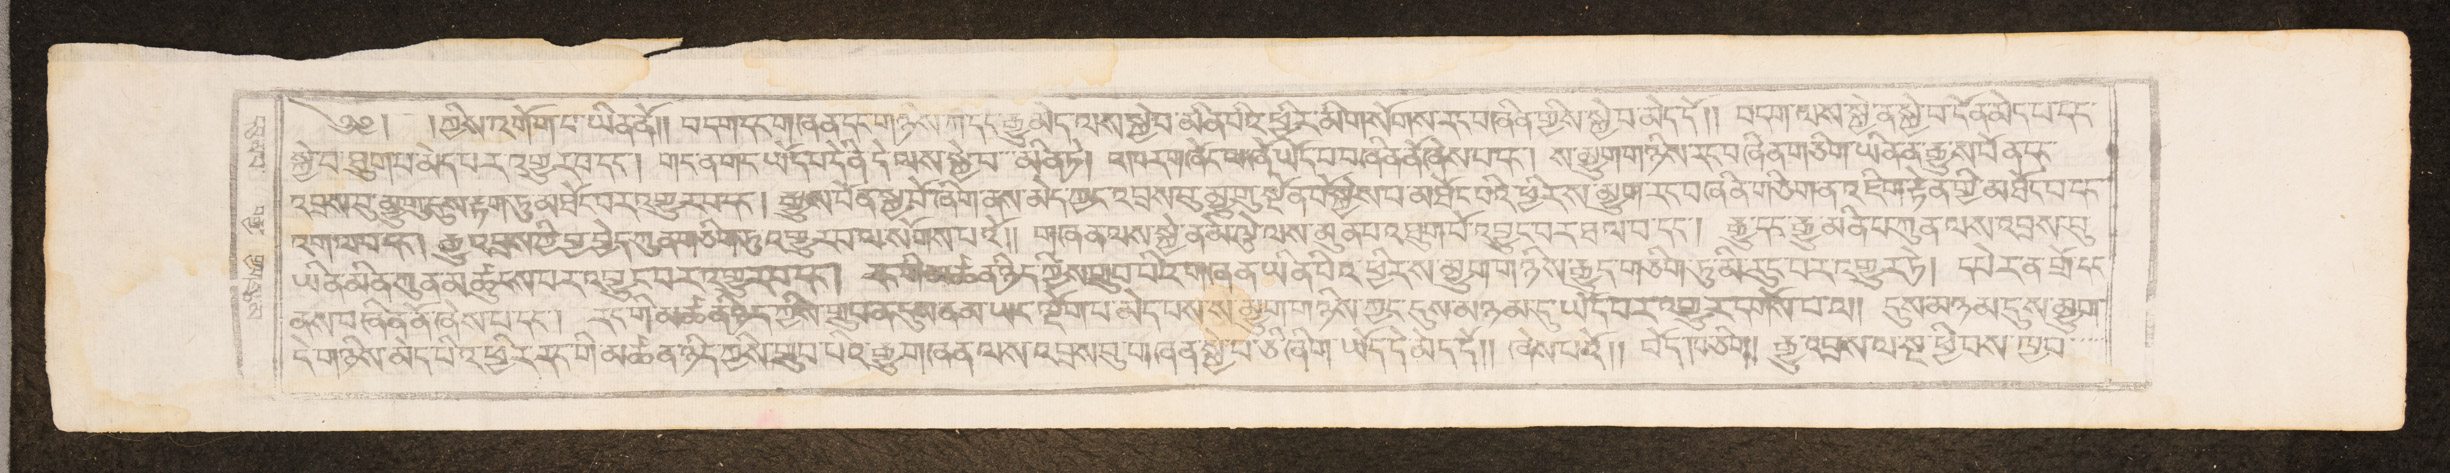༄༅། །ཀྱིས་འགོག་པ་ཡིན་ནོ། །བདག་དང་གཞན་དང་གཉིས་ཀ་དང་རྒྱུ་མེད་ལས་སྐྱེ་བ་མིན་པའི་ཕྱིར་མིག་སོགས་རང་བཞིན་གྱིས་སྐྱེ་བ་མེད་དོ། །བདག་ལས་སྐྱེ་ན་སྐྱེ་བ་དོན་མེད་པ་དང་
སྐྱེ་བ་ཐུག་པ་མེད་པར་འགྱུར་བ་དང་། གང་ན་གང་ཡོད་པ་དེ་ནི་དེ་ལས་སྐྱེ་བ་མིན་ཏེ། འཁར་གཞོང་ལ་ཞོ་ཡོད་པ་བཞིན་ནོ་ཞེས་པ་དང་། ས་མྱུག་གཉིས་རང་བཞིན་གཅིག་ཡིན་ན་རྒྱུ་ས་བོན་དང་
འབྲས་བུ་མྱུ་གུ་དུས་རྟག་ཏུ་མཐོང་བར་འགྱུར་བ་དང་། རྒྱུ་ས་བོན་སྐྱ་བོ་ཞིག་ནས་མེད་ཀྱང་འབྲས་བུ་མྱུ་གུ་སྔོན་པོ་སྐྱེས་པ་མཐོང་བའི་ཕྱིར་ས་མྱུག་རང་བཞིན་གཅིག་ན་འཇིག་རྟེན་གྱི་མཐོང་བ་དང་
འགལ་བ་དང་། རྒྱུ་འབྲས་ཀྱི་བྱ་བྱེད་ཀུན་གཅིག་ཏུ་འགྱུར་བ་ལ་སོགས་པའོ། །གཞན་ལས་སྐྱེ་ན་མེ་ལྕེ་ལས་མུན་པ་འཐུག་པོ་འབྱུང་བར་ཐལ་བ་དང་། རྒྱུ་དང་རྒྱུ་མིན་པ་ཀུན་ལས་འབྲས་བུ་
ཡིན་མིན་ཀུན་མཚུངས་པར་འབྱུང་བར་འགྱུར་བ་དང་། རང་གི་མཚན་ཉིད་ཀྱིས་གྲུབ་པའི་གཞན་ཡིན་པའི་ཕྱིར་ས་མྱུག་གཉིས་རྒྱུད་གཅིག་ཏུ་མི་རུང་བར་འགྱུར་ཏེ། དཔེར་ན་གྲོ་དང་
ནས་བཞིན་ནོ་ཞེས་པ་དང་། རང་གི་མཚན་ཉིད་ཀྱིས་གྲུབ་ན་དུས་ནམ་ཡང་ལྡོག་པ་མེད་པས་ས་མྱུག་གཉིས་ཀྱང་དུས་མཉམ་དུ་ཡོད་པར་འགྱུར་དགོས་པ་ལ། དུས་མཉམ་དུས་མྱུག་
དེ་གཉིས་མེད་པའི་ཕྱིར་རང་གི་མཚན་ཉིད་ཀྱིས་གྲུབ་པའི་རྒྱུ་གཞན་ལས་འབྲས་བུ་གཞན་སྐྱེ་བ་ཅི་ཞིག་ཡོད་དེ་མེད་དོ། །ཞེས་པའོ། །བོད་ཁ་ཅིག། རྒྱུ་འབྲས་ལ་སྔ་ཕྱི་བས་ཁྱབ་